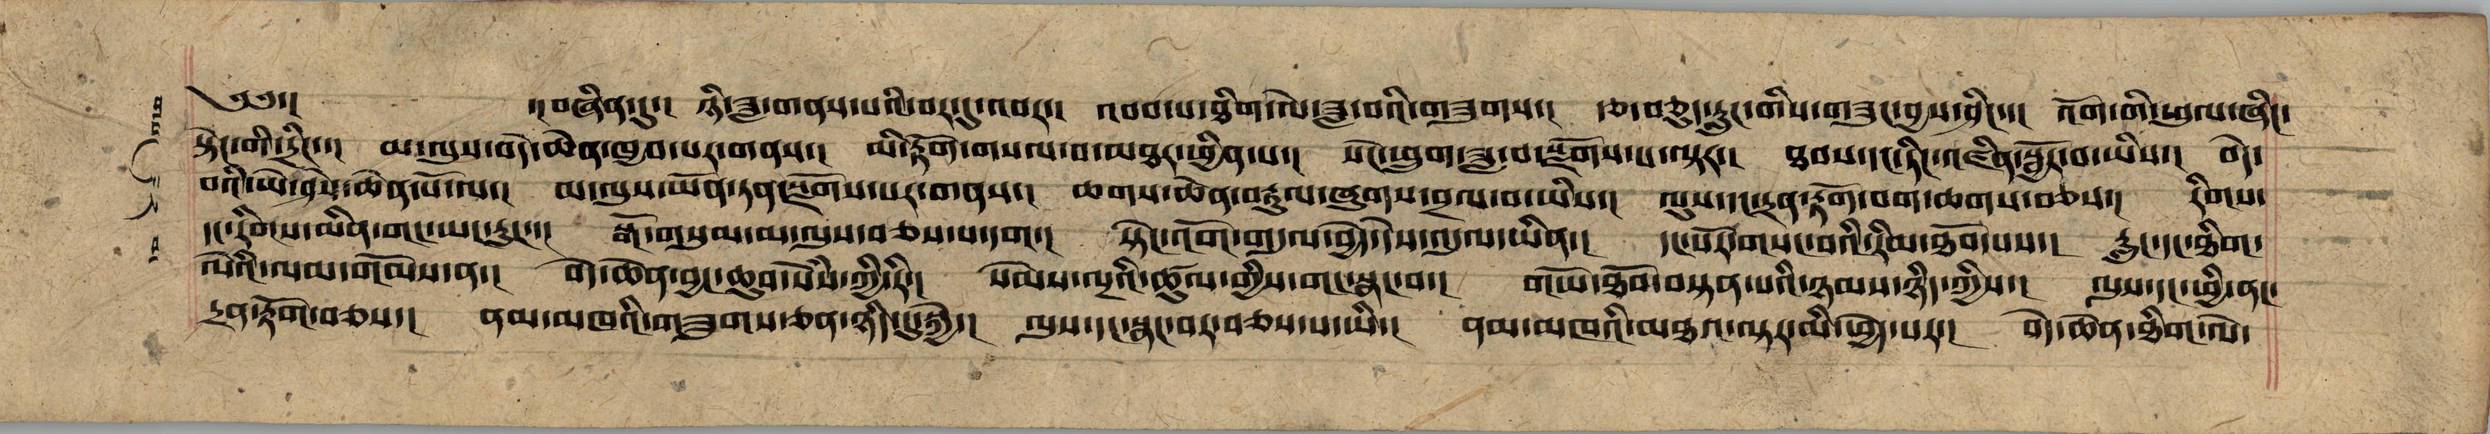༄༅་། ་།བཞིན་དུ་། ཉི་ཟླ་གནས་པའི་བར་དུ་འབར་། འབབ་པ་ཐིག་ལེ་ཟླ་བའི་གཟུགས་། རྩ་བཅུད་རླུང་གིས་གཟུང་བྱས་ཤིང་་། འོག་གི་ཕུལ་ཞིང་
སྟེང་གི་དྲིང་། མ་ལུས་བདེ་ཆེན་ཁྱབ་པར་གནས་། མི་རྟོག་གསལ་བ་མཐར་ཕྱིན་པ་། སེང་ཕྲུག་ཟླ་བ་སྫོགས་པ་ལྟར་། ཐབས་དང་ཏིང་འཛིན་སྦྱོར་བ་ཡིས་། བདེ་
བའི་ཡེ་ཤེས་ཆེན་པོ་ལ་། མ་ལུས་ཡོན་ཏན་སྫོགས་པར་གནས་། ཆགས་ཆེན་བརྟུལ་ཞུགས་བྲལ་བ་ཡིས་། ལུས་དང་དྲན་རྟོག་བག་ཆགས་བཅས་། རིགས་
་།་རིགས་མིན་གང་ཡང་རུང་་། སྒོ་གསུམ་མ་ལུས་བཅས་པ་དག་། སྟེང་འོག་གདུལ་བྱེད་དེས་འདུལ་ཡིན་། དང་པོར་གསང་བའི་རིམ་ཐོབ་པས་། རླུང་དང་ཐིག་
ལེའི་ལམ་གོམས་ན་། བདེ་ཆེན་བྱང་ཆུབ་སེཾས་ཀྱི་རི་། སེམས་ལྔའི་ཚུལ་གྱིས་གང་སྣང་བ་། གཡོ་ཐོབ་བསྟན་པའི་ཉམས་ཉིད་ཀྱིས་། ལུས་དང་ཕྱི་ནང་
དྲན་རྟོག་བཅས་། ནམ་མཁའི་གཟུགས་ཅན་ཉིད་དུ་སྐྱེ་། ལུས་དང་སྣང་བར་བཅས་པ་ཡི་། ནམ་མཁའི་མཐའ་ལྟར་མི་ཕྱེད་པར་། བདེ་ཆེན་ཐིག་ལེ་